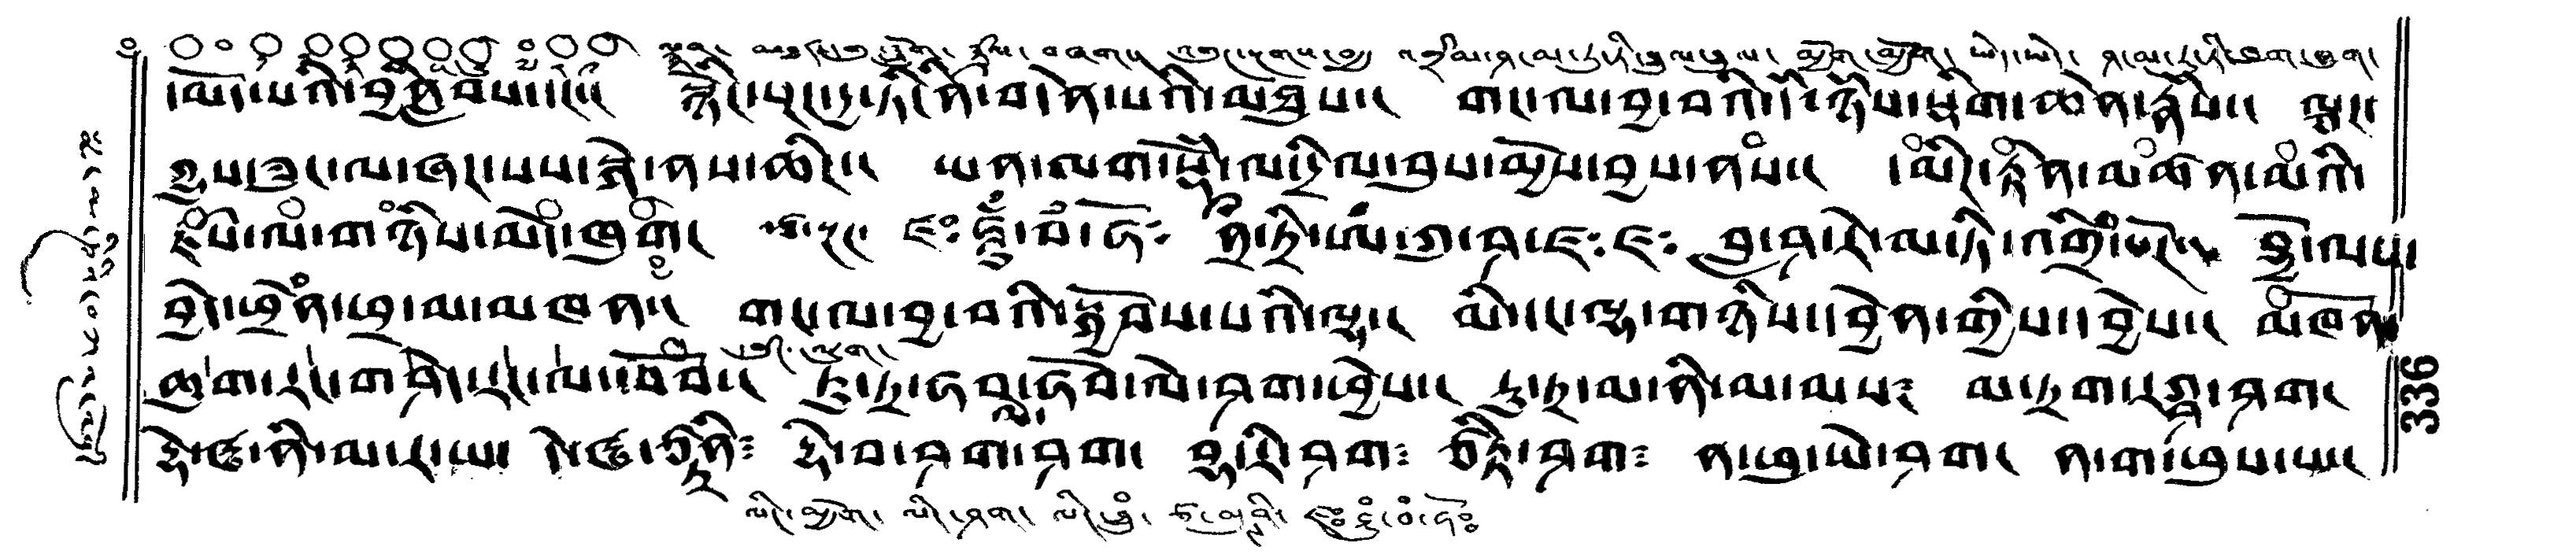དམོད་པའི་བྱིན་རླབས་དང་། །སྙིང་པོ་སྔགས་རྒྱ་ཏིང་འཛིན་བདེན་པའི་མཐུས། །གང་ལ་བྱ་བའི་དམ་ཉམས་སྡིག་ཆེན་རྣམས། །ལྕགས་
ཀྱུས་ཟུང་ལ་ཞགས་པས་སྐེ་ནས་ཆིངས། །ཡན་ལག་སྡོམ་ལ་དྲིལ་བུས་མྱོས་བྱས་ནས། །དམིགས་རྟེན་མཚན་མའི་
རྫས་ལ་གཉིས་མེད་ཁུག རྩ་སྔགས། ཛཿཧཱུྃ་བཾ་ཧོཿ ནྲྀ་ཏྲི་ཨཾ་ཀུ་ཤ་ཛཿཛཿ བླ་ཤ་རེ་མ་ཏི་འགྲེང་སོགས། བྷྱོ། ལས་
བྱེད་ཕྲ་མེན་ཕྲ་མ་མཁན། །གང་ལ་བྱ་བའི་སྐྱོབས་པའི་ལྷ། །མི་དང་ལྷ་གཉིས་དབྱེན་གྱིས་དབྱེས། །མཁོན་
ཆུག་རང་གཤེད་རང་ལ་ཕོབ། རུ་ཏྲ་ཧབ་ལེ་ཧོབ་ལེ་ཤག་ཕྱེས། རུ་ཏྲ་མ་ནི་མ་མས། མ་ཏྲག་རཀྵ་ཤག 
དྷེ་ཝ་ནི་མ་ར་ཡ། དྷེ་ཝ་ཙནྟྲི། དྷེ་བ་ཤག་ཤག བྷ་རི་ཤག ཙིཏྟ་ཤག ན་ཕུ་ཡེ་ཤག ན་ག་ཕུས་ཡ།